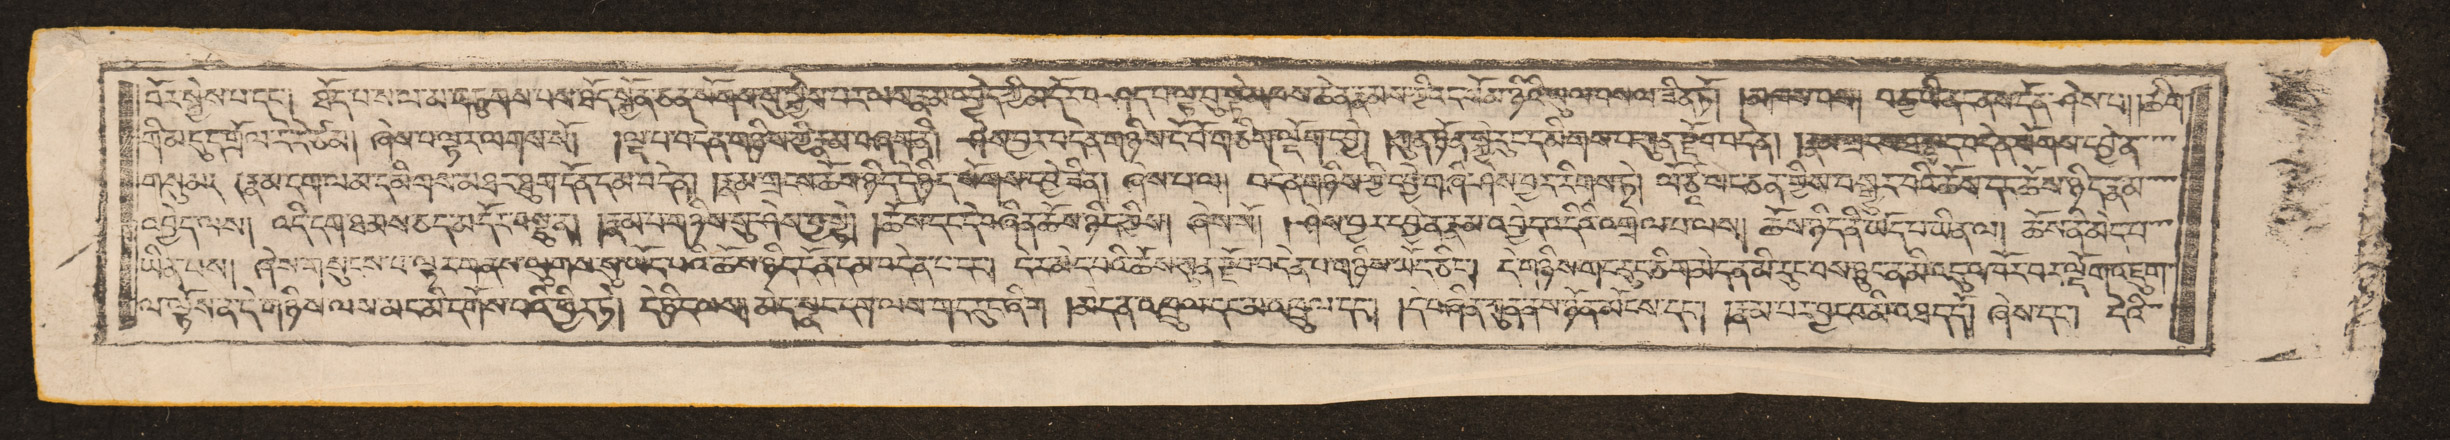བོར་སྐྱེས་པ་དང་། ཐོད་པ་ས་ལ་མ་གཏུགས་པས་ཐོད་སྐྱོན་ཅན་སོགས་སུ་སྐྱེས་པར་ལས་རྣམ་འབྱེད་ཀྱི་མདོར་བཤད་པ་ལྟ་བུ་སྟེ་མཁས་ཆེན་རྣམས་ཀྱི་འང་སོམ་ཉིའི་ཡུལ་བསལ་ཟིན་ཏོ། །མཁས་པས། བརྒྱ་ཡི་ནང་ནས་དོན་ཤེས་པ། །ཚིག་
གི་མདུད་གྲོལ་རེ་རེ་ཙམ། ཞེས་པ་ལྟར་ལགས་སོ། །ལྔ་པ་བདེན་གཉིས་ཀྱི་རྣམ་བཞག་ནི། ཤེས་བྱར་བདེན་གཉིས་ངོ་བོ་གཅིག་ལྡོག་དབྱེ། །ཀུན་ཉོན་སྐྱེ་རུང་དམིགས་པ་ཀུན་རྫོབ་བདེན། །རྣམ་གྲངས་ཐ་སྙད་བདེན་སོགས་དབྱེ་ན་
གསུམ༑ ༑རྣམ་དག་ལམ་དམིགས་མཐར་ཐུག་དོན་དམ་བདེན། །རྣམ་གྲངས་ཆོས་ཉིད་དེ་ཉིད་སོགས་དབྱེ་ཟིན། ཞེས་པ་ལ། བདེན་གཉིས་ཀྱི་དབྱེ་གཞི་ཤེས་བྱར་རིགས་ཏེ། ལོ་ཙཱ་སང་ཅན་གྱིས་བསྒྱུར་བའི་ཆོས་དང་ཆོས་ཉིད་རྣམ་
འབྱེད་ལས། འདི་དག་ཐམས་ཅད་མདོར་བསྡུ་ན། །རྣམ་པ་གཉིས་སུ་ཤེས་བྱ་སྟེ། །ཆོས་དང་དེ་བཞིན་ཆོས་ཉིད་ཀྱིས། ཞེས་སོ། །ཤེས་བྱར་དབྱེ་ན་རྣམ་འབྱེད་འདིའི་འགྲེལ་པ་ལས། ཆོས་ཉིད་ནི་ཡོད་པ་ཡིན་ལ། ཆོས་ནི་མེད་པ་
ཡིན་པས། ཞེས་གསུངས་པ་ལྟར་གནས་ལུགས་སུ་ཡོད་པའི་ཆོས་ཉིད་དོན་དམ་བདེན་པ་དང་། དེར་མེད་པའི་ཆོས་ཀུན་རྫོབ་བདེན་པ་གཉིས་ཡོད་ཅིང་། དེ་གཉིས་གང་རུང་ཅིག་མེད་ན་མི་རུང་བས་ཉུང་ན་མི་འདུ་འཁོར་བར་ལྡོག་འཇུག་
ལ་ལྟོས་ན་དེ་གཉིས་ལས་མང་མི་དགོས་པའི་ཕྱིར་ཏེ། དེ་ཉིད་ལས། མེད་སྣང་དག་ལས་གང་རུང་ཞིག །མེད་ན་འཁྲུལ་དང་མ་འཁྲུལ་དང་། །དེ་བཞིན་ཀུན་ནས་ཉོན་མོངས་དང་། །རྣམ་པར་བྱང་བ་མི་འཐད་དོ། ཞེས་དང་། དེའི་